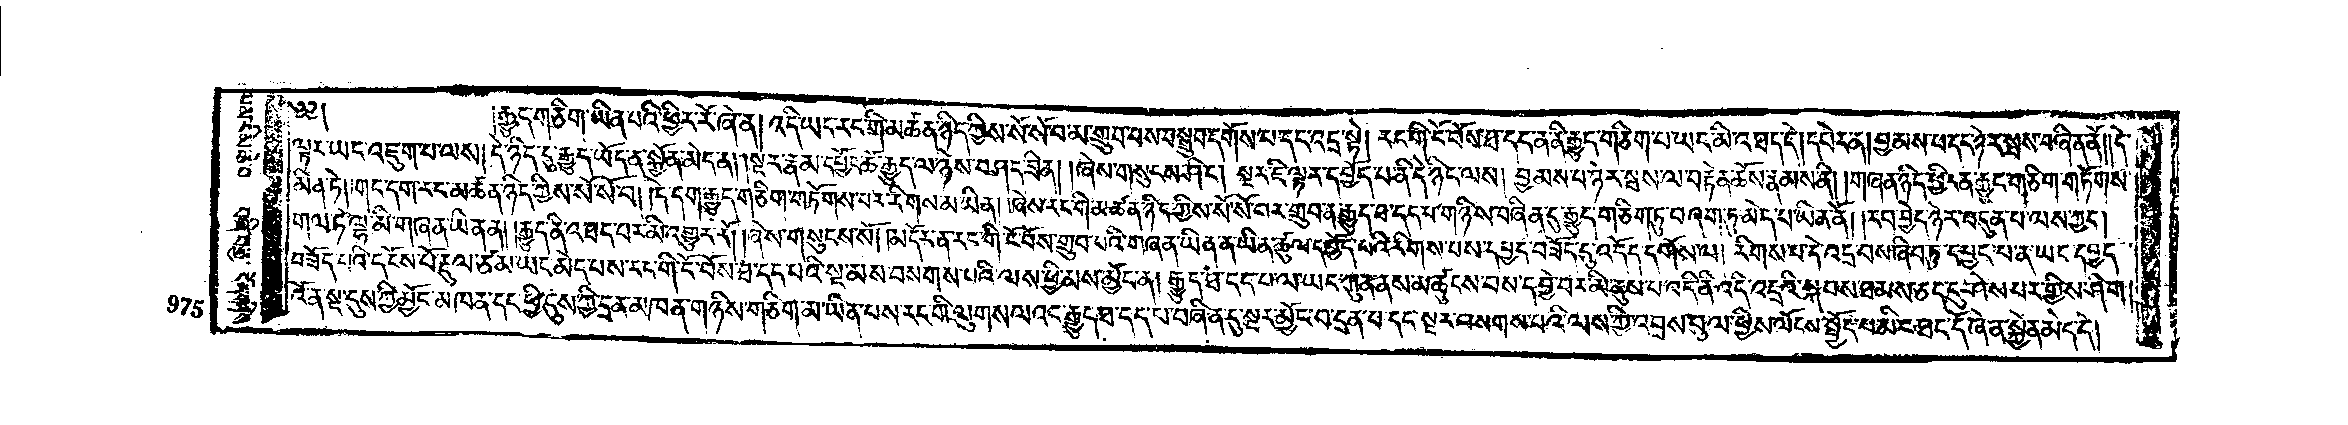༄༅། །རྒྱུད་གཅིག་ཡིན་པའི་ཕྱིར་རོ་ཞེ་ན། འདི་ཡང་རང་གི་མཚན་ཉིད་ཀྱིས་སོ་སོ་བ་མ་གྲུབ་པས་བསྒྲུབ་དགོས་པ་དང་འདྲ་སྟེ། རང་གི་ངོ་བོས་ཐ་དད་ན་ནི་རྒྱུད་གཅིག་པ་ཡང་མི་འཐད་དེ། དཔེར་ན། བྱམས་པ་དང་ཉེར་སྦས་བཞིན་ནོ། །དེ་
ལྟར་ཡང་འཇུག་པ་ལས། དེ་ཉིད་དུ་རྒྱུད་ཡོད་ན་སྐྱོན་མེད་ན། །སྔར་རྣམ་དཔྱོད་ཚེ་རྒྱུད་ལ་ཉེས་བཤད་ཟིན། །ཞེས་གསུངས་ཤིང་། སྔར་ཇི་ལྟར་དཔྱོད་པ་ནི་དེ་ཉིད་ལས། བྱམས་པ་ཉེར་སྦས་ལ་བརྟེན་ཆོས་རྣམས་ནི། །གཞན་ཉིད་ཕྱིར་ན་རྒྱུད་གཅིག་གཏོགས་
མིན་ཏེ། །གང་དག་རང་མཚན་ཉིད་ཀྱིས་སོ་སོ་བ། །དེ་དག་རྒྱུད་གཅིག་གཏོགས་པར་རིགས་མ་ཡིན། །ཞེས་རང་གི་མཚན་ཉིད་ཀྱིས་སོ་སོ་བར་གྲུབ་ན་རྒྱུད་ཐ་དད་པ་གཉིས་བཞིན་དུ་རྒྱུད་གཅིག་ཏུ་བཞག་ཏུ་མེད་པ་ཡིན་ནོ། །རབ་བྱེད་ཉེར་བདུན་པ་ལས་ཀྱང་།
གལ་ཏེ་ལྷ་མི་གཞན་ཡིན་ན། །རྒྱུད་ནི་འཐད་པར་མི་འགྱུར་རོ། །ཞེས་གསུངས་སོ། །མདོར་ན་རང་གི་ངོ་བོས་གྲུབ་པའི་གཞན་ཡིན་ན་ཡིན་ཚུལ་དཔྱོད་པའི་རིགས་པས་དཔྱད་བཟོད་དུ་འདོད་དགོས་ལ། རིགས་པ་དེ་འདྲ་བས་ཞིབ་ཏུ་དཔྱད་པ་ན་ཡང་དཔྱད་
བཟོད་པའི་དངོས་པོ་རྡུལ་ཙམ་ཡང་མེད་པས་རང་གི་ངོ་བོས་ཐ་དད་པའི་སྔ་མས་བསགས་པའི་ལས་ཕྱི་མས་མྱོང་ན། རྒྱུད་ཐ་དད་པ་ལ་ཡང་ཀུན་ནས་མཚུངས་པས་དབྱེ་བར་མི་ནུས་པ་འདི་ནི་འདི་འདྲའི་སྐབས་ཐམས་ཅད་དུ་ཤེས་པར་གྱིས་ཤིག །
འོ་ན་སྔ་དུས་ཀྱི་མྱོང་མཁན་དང་ཕྱི་དུས་ཀྱི་དྲན་མཁན་གཉིས་གཅིག་མ་ཡིན་པས་རང་གི་ལུགས་ལའང་རྒྱུད་ཐ་དད་པ་བཞིན་དུ་སྔར་མྱོང་བ་དྲན་པ་དང་སྔར་བསགས་པའི་ལས་ཀྱི་འབྲས་བུ་ལ་ཕྱིས་ལོངས་སྤྱོད་པ་མི་འཐད་དོ་ཞེ་ན་སྐྱོན་མེད་དེ།